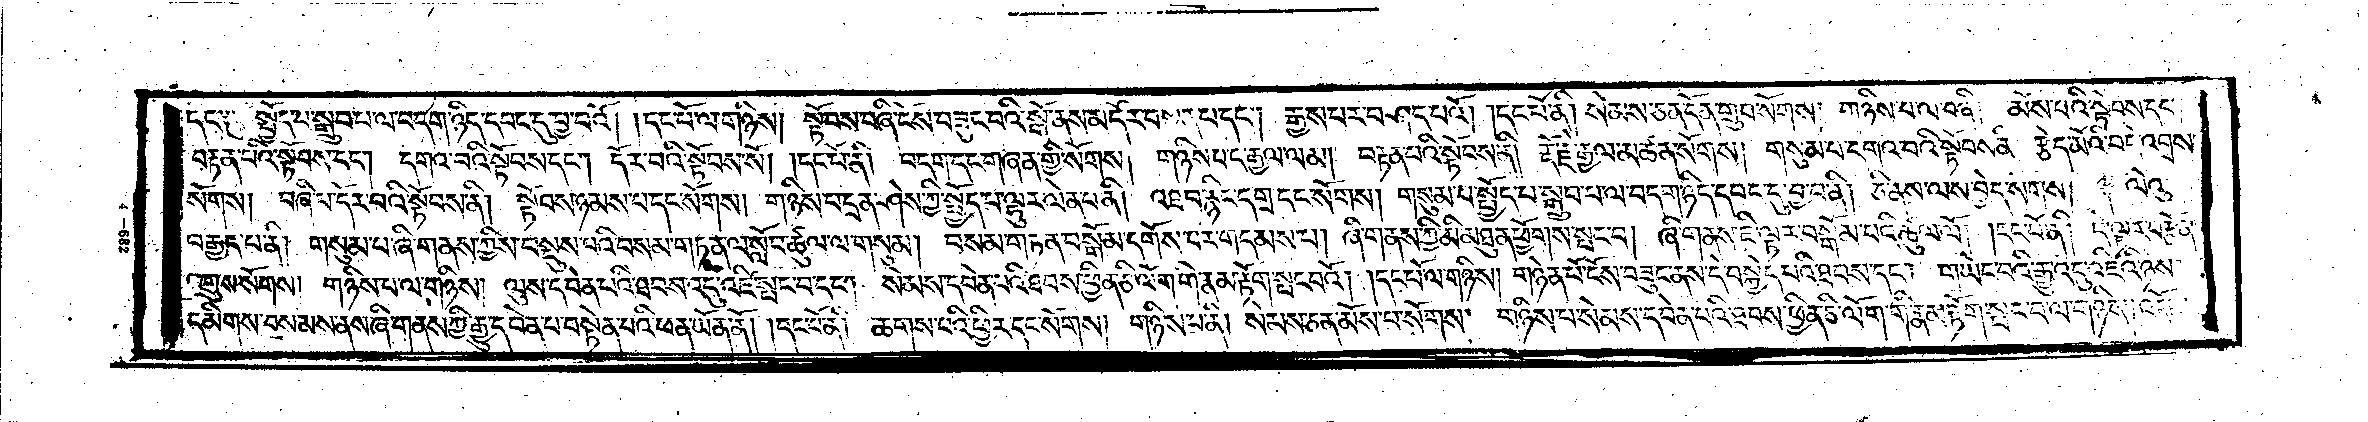དང༑ སྤྱོད་པ་སྒྲུབ་པ་ལ་བདག་ཉིད་དབང་དུ་བྱ་བའོ། །དང་པོ་ལ་གཉིས། སྟོབས་བཞི་ངོས་བཟུང་བའི་སྒོ་ནས་མདོར་བསན་པ་དང་། རྒྱས་པར་བཤད་པའོ། །དང་པོ་ནི། སེམས་ཅན་དོན་གྲུབ་སོགས། གཉིས་པ་ལ་བཞི། མོས་པའི་སྟོབས་དང་།
བརྟན་པའི་སྟོབས་དང་། དགའ་བའི་སྟོབས་དང་། དོར་བའི་སྟོབས་སོ། །དང་པོ་ནི། བདག་དང་གཞན་གྱི་སོགས། གཉིས་པ་ང་རྒྱལ་ལམ། བརྟན་པའི་སྟོབས་ནི། རྡོ་རྗེ་རྒྱལ་མཚན་སོགས། གསུམ་པ་དགའ་བའི་སྟོབས་ནི། རྩེད་མོའི་བདེ་འགྲས་
སོགས། བཞི་པ་དོར་བའི་སྟོབས་ནི། སྟོབས་ཉམས་པ་དང་སོགས། གཉིས་པ་དྲན་ཤེས་ཀྱི་སྤྱོད་པ་ལྷུར་ལེན་པ་ནི། འཐབ་རྙིང་དགྲ་དང་སོགས། གསུམ་པ་སྤྱོད་པ་སྒྲུབ་པ་ལ་བདག་ཉིད་དབང་དུ་བྱ་བ་ནི། ཅི་ནས་ལས་བྱེད་སོགས། ༈ ལེའུ་
བརྒྱད་པ་ནི། གསུམ་པ་ཞི་གནས་ཀྱིས་བསྡུས་པའི་བསམ་གཏན་ལ་སློབ་ཚུལ་ལ་གསུམ། བསམ་གཏན་བསྒོམ་དགོས་པར་གདམས་པ། ཞི་གནས་ཀྱི་མི་མཐུན་ཕྱོགས་སྤང་བ། ཞི་གནས་ཇི་ལྟར་བསྒོམ་པའི་ཚུལ་ལོ། །དང་པོ་ནི། དེ་ལྟར་བརྩོན་
འགྲུས་སོགས། གཉིས་པ་ལ་གཉིས། ལུས་དབེན་པའི་ཐབས་འདུ་འཛི་སྤང་བ་དང་། སེམས་དབེན་པའི་ཐབས་ཕྱིན་ཅི་ལོག་གི་རྣམ་རྟོག་སྤང་བའོ། །དང་པོ་ལ་གཉིས། གཉེན་པོ་ངོས་བཟུང་ནས་དེ་བསྐྱེད་པའི་ཐབས་དང་། གཡེང་བའི་རྒྱུ་འདུ་འཛིའི་ཉས་
དམིགས་བསམས་ནས་ཞི་གནས་ཀྱི་རྒྱུ་དབེན་པ་བསྟེན་པའི་ཕན་ཡོན་ནོ། །དང་པོ་ནི། ཆགས་པའི་ཕྱིར་དང་སོགས། གཉིས་པ་ནི། སེམས་ཅན་མོས་པ་སོགས། གཉིས་པ་སེམས་དབེན་པའི་ཐབས་ཕྱིན་ཅི་ལོག་གི་རྣམ་རྟོག་སྤང་བ་ལ་གཉིས། འདོད་